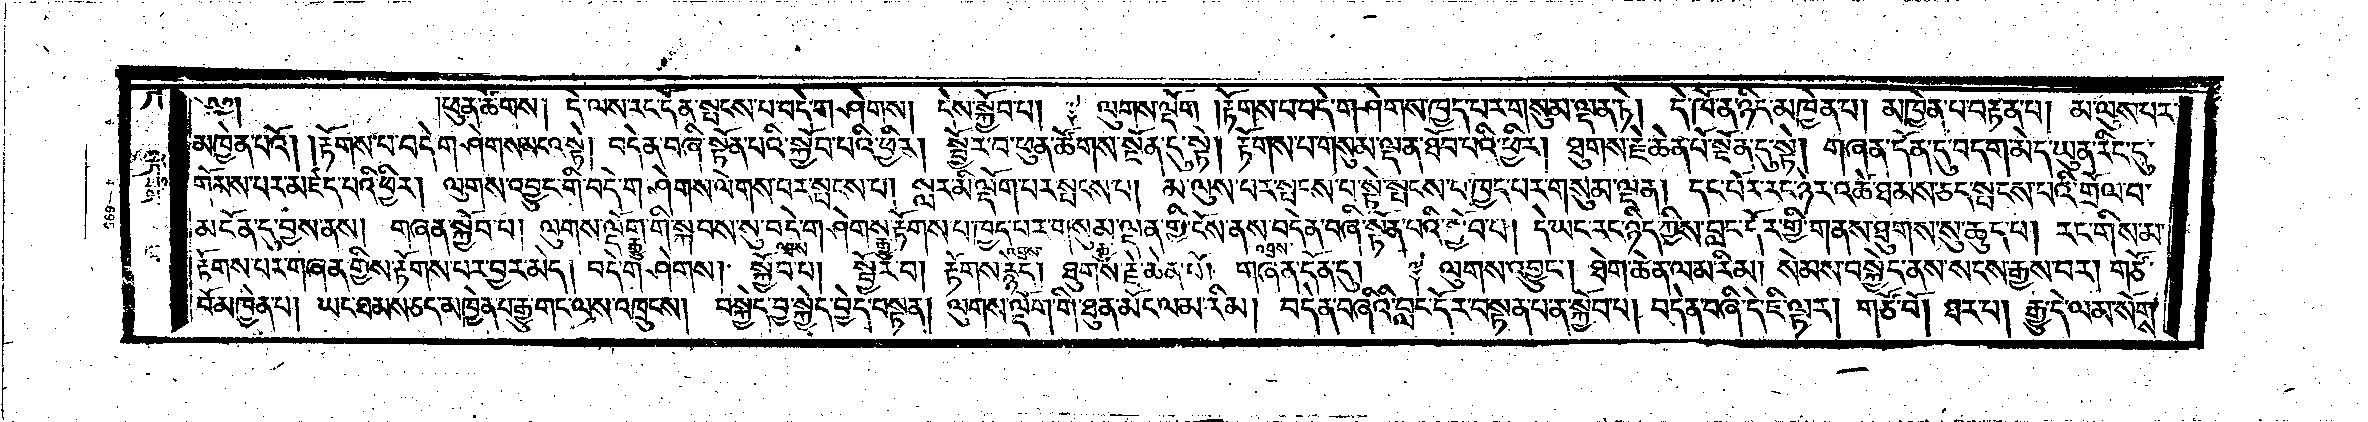༄༅། །ཕུན་ཚོགས། དེ་ལས་རང་དོན་སྤངས་པ་བདེ་གཤེགས། དེས་སྐྱོབ་པ། ༈ ལུགས་ལྡོག །རྟོགས་པ་བདེ་གཤེགས་ཁྱད་པར་གསུམ་ལྡན་ཏེ། དེ་ཁོ་ན་ཉིད་མཁྱེན་པ། མཁྱེན་པ་བརྟན་པ། མ་ལུས་པར་
མཁྱེན་པའོ། །རྟོགས་པ་བདེ་གཤེགས་མངའ་སྟེ། བདེན་བཞི་སྟོན་པའི་སྐྱོབ་པའི་ཕྱིར། སྦྱོར་བ་ཕུན་ཚོགས་སྔོན་དུ་སྟེ། རྟོགས་པ་གསུམ་ལྡན་ཐོབ་པའི་ཕྱིར། ཐུགས་རྗེ་ཆེན་པོ་སྔོན་དུ་སྟེ། གཞན་དོན་དུ་བདག་མེད་ཡུན་རིང་དུ་
གོམས་པར་མཛད་པའི་ཕྱིར། ལུགས་འབྱུང་གི་བདེ་གཤེགས་ལེགས་བར་སྤངས་པ། སླར་མི་ལྡོག་པར་སྤངས་པ། མ་ལུས་པར་སྤངས་པ་སྟེ་སྤངས་པ་ཁྱད་པར་གསུམ་ལྡན། དང་པོར་རང་ཉེར་འཚེ་ཐམས་ཅད་སྤངས་པའི་གྲོལ་བ་
མངོན་དུ་བྱས་ནས། གཞན་སྐྱོབ་པ། ལུགས་ལྡོག་གི་སྐབས་སུ་འབྲས་བདེ་གཤེགས་རྒྱུ་རྟོགས་པ་ཁྱད་པར་འབྲས་གསུམ་རྒྱུ་ལྡན་གྱི་ངོས་ནས་འབྲས་བདེན་བཞི་སྟོན་པའི་སྐྱོབ་བ། དེ་ཡང་རང་ཉིད་ཀྱིས་བླང་དོར་གྱི་གནས་ཐུགས་སུ་ཆུད་པ། རང་གིས་མ་
རྟོགས་པར་གཞན་གྱིས་རྟོགས་པར་བྱར་མེད། བདེ་གཤེགས། སྐྱོབ་པ། སྦྱོར་བ། རྟོགས་རྙེད། ཐུགས་རྗེ་ཆེན་པོ། གཞན་དོན་དུ། ༈ ལུགས་འབྱུང་། ཐེག་ཆེན་ལམ་རིམ། སེམས་བསྐྱེད་ནས་སངས་རྒྱས་བར། གཙོ་
བོ་མཁྱེན་པ། ཡང་ཐམས་ཅད་མཁྱེན་པ་རྒྱུ་གང་ལས་འཁྲུངས། བསྐྱེད་བྱ་སྐྱེད་བྱེད་བསྟན། ལུགས་ལྡོག་གི་ཐུན་མོང་ལམ་རིམ། བདེན་བཞིའི་བླང་དོར་བསྟན་པ་ན་སྐྱོབ་པ། བདེན་བཞི་དེ་ཇི་ལྟར། གཙོ་བོ། ཐར་པ། རྒྱུ་དེ་ལམ་སོགས་